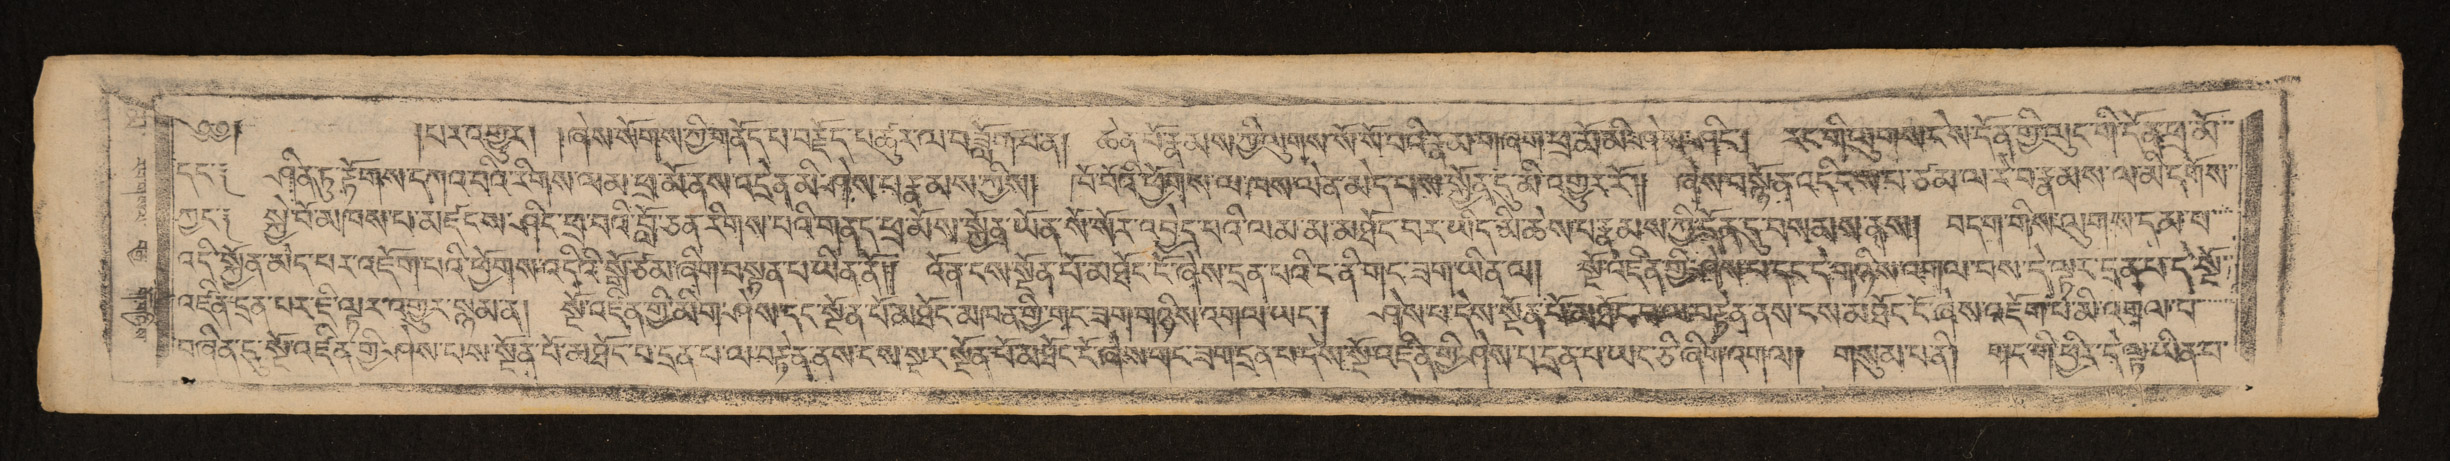༄༅། །པར་འགྱུར། །ཞེས་སོགས་ཀྱི་གནོད་པ་བརྗོད་པ་ཚུར་ལ་བཟློག་པ་ན། ཆེན་པོ་རྣམས་ཀྱི་ལུགས་སོ་སོ་བའི་རྣམ་གཞག་ཕྲ་མོ་མི་ཤེས་ཤིང་། རང་གི་ལུགས་ངེས་དོན་གྱི་ལུང་གི་དོན་ཕྲ་མོ་
དང༑ ཤིན་ཏུ་རྟོགས་དཀའ་བའི་རིགས་ལམ་ཕྲ་མོ་ནས་འདྲེན་མི་ཤེས་པ་རྣམས་ཀྱིས། ཁོ་བོའི་ཕྱོགས་ལ་ཁས་ལེན་མེད་པས་སྐྱོན་དུ་མི་འགྱུར་རོ།། ཞེས་བསྙོན་འདིངས་པ་ཙམ་ལ་རེ་བ་རྣམས་ལ་མི་དགོས་
ཀྱང༑ སྐྱེ་བོ་མཁས་པ་མཛངས་ཤིང་ཕྲ་བའི་བློ་ཅན་རིགས་པའི་གནད་ཕྲ་མོས་སྐྱོན་ཡོན་སོ་སོར་འབྱེད་པའི་ལམ་མ་མཐོང་བར་ཡིད་མི་ཆེས་པ་རྣམས་ཀྱི་དོན་དུ་བསམས་ནས། བདག་གིས་ལུགས་དམ་པ་
འདི་སྐྱོན་མེད་པར་འཇོག་པའི་ཕྱོགས་འདིའི་སྒོ་ཙམ་ཞིག་བསྟན་པ་ཡིན་ནོ།། འོ་ན་ངས་སྔོན་པོ་མཐོང་ངོ་ཞེས་དྲན་པའི་ང་ནི་གང་ཟག་ཡིན་ལ། སྔོ་འཛིན་གྱི་ཤེས་པ་དང་དེ་གཉིས་འགལ་བས་དེ་ལྟར་དྲན་པ་དེ་སྔོ་
འཛིན་དྲན་པར་ཇི་ལྟར་འགྱུར་སྙམ་ན། སྔོ་འཛིན་གྱི་མིག་ཤེས་དང་སྔོན་པོ་མཐོང་མཁན་གྱི་གང་ཟག་གཉིས་འགལ་ཡང་། ཤེས་པ་དེས་སྔོན་པོ་མཐོང་བ་ལ་བརྟེན་ནས་ངས་མཐོང་ངོ་ཞེས་འཇོག་པ་མི་འགལ་བ་
བཞིན་དུ་སྔོ་འཛིན་གྱི་ཤེས་པས་སྔོན་པོ་མཐོང་བ་དྲན་པ་ལ་བརྟེན་ནས་ངས་སྔར་སྔོན་པོ་མཐོང་ངོ་ཞེས་གང་ཟག་དྲན་པ་དེས་སྔོ་འཛིན་གྱི་ཤེས་པ་དྲན་པ་ཡང་ཅི་ཞིག་འགལ། གསུམ་པ་ནི། གང་གི་ཕྱིར་དེ་ལྟ་ཡིན་པ་